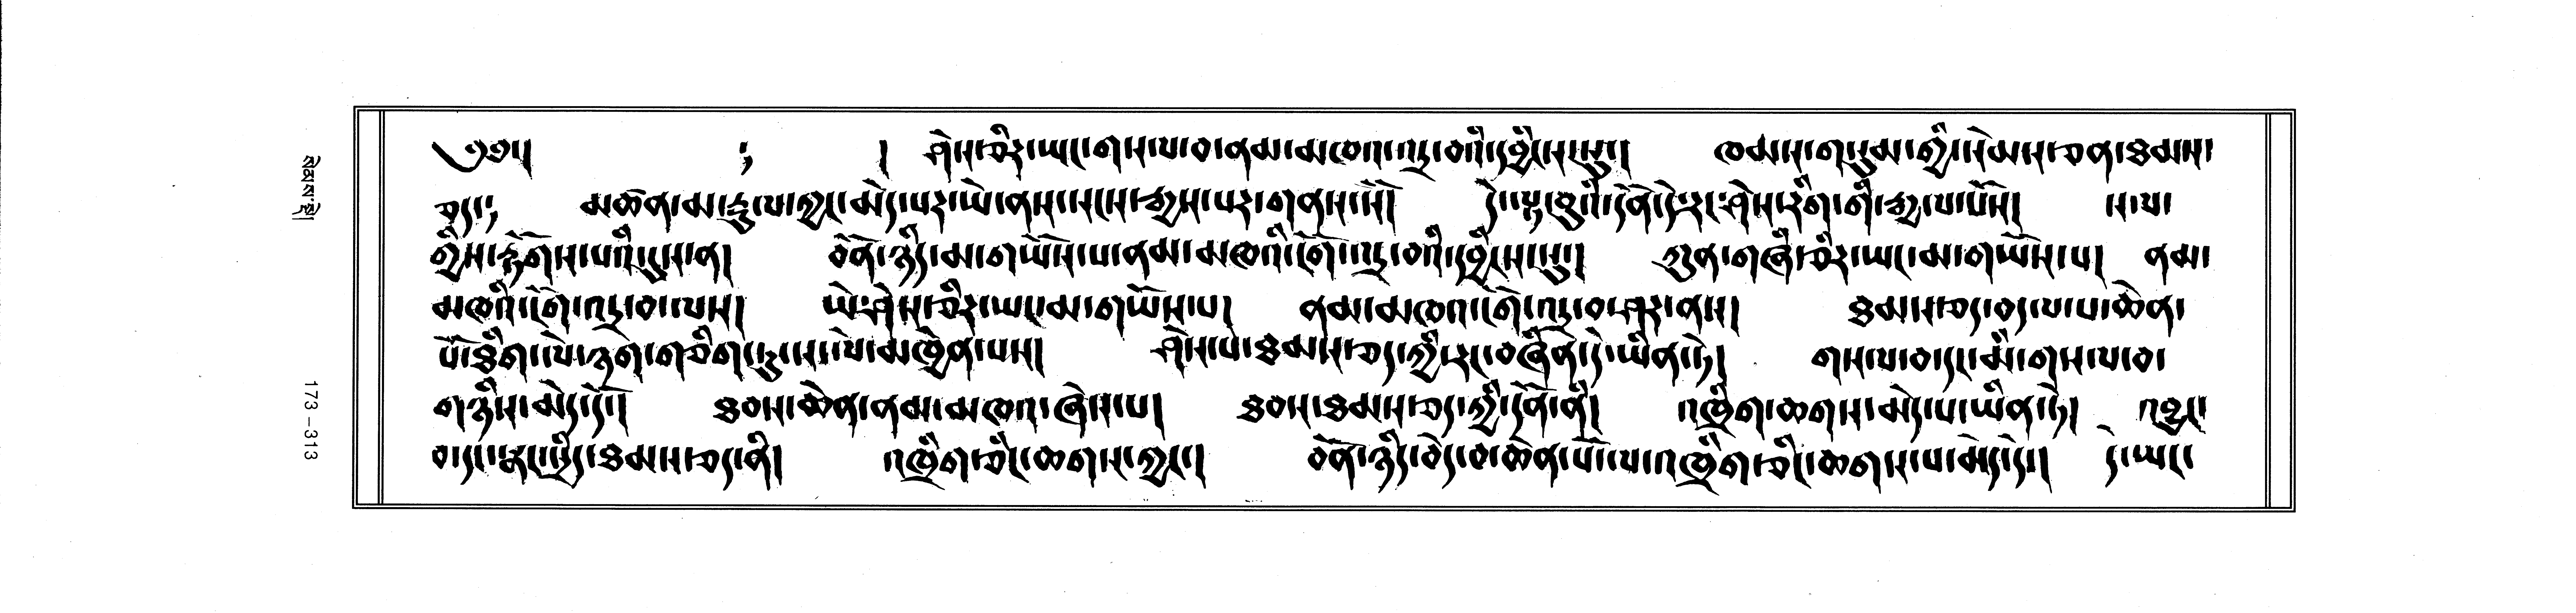༄༅་། ། ། ཤེས་ཅིར་ཡང་གསལ་བ་ནམ་མཁའ་འདྲ་བའི་དབྱིངས་སུ། ཁམས་གསུམ་གྱི་སེམས་ཅན་ཐམས་
ཅད་ མཚན་མ་རྡུལ་ཀྱང་མེད་པར་ཡེ་ནས་སངས་རྒྱས་པར་གནས་སོ། །དེ་ལྟ་བུའི་དོན་དེ་རང་ཤེས་རིག་གི་རྒྱལ་པོས། སལ་
གྱིས་རྟོགས་པའི་དུས་ན། བོན་ཉིད་མ་གཡོས་པ་ནམ་མཁའི་ངོགས་འདྲ་བའི་དབྱིངས་སུ། ཀུན་གཞི་ཅིར་ཡང་མ་གཡོས་པ། ནམ་
མཁའི་ངོགས་འདྲ་བ་ལས། ཡེ་ཤེས་ཅིར་ཡང་མ་གཡོས་པ། ནམ་མཁའ་ངོགས་འདྲ་བ་ཤར་ནས། ཐམས་ཅད་བདལ་པ་ཆེན་
པོ་ཐིག་ལེ་ཉག་ཅིག་ཏུ་སལེ་མཁྱེན་པས། ཤེས་པ་ཐམས་ཅད་ཀྱི་རང་བཞིན་དེ་ཡིན་ཏེ། གསལ་བ་དང་མི་གསལ་བ་
གཉིས་མེད་དོ། །ཐམས་ཆེན་ནམ་མཁའ་ཞེས་པ། ཐབས་ཐམས་ཅད་ཀྱི་དོན་ནི། འཁྲིག་ཆགས་མེད་པ་ཡིན་ཏེ། འབྱུང་
བ་དང་སྣང་སྲིད་ཐམས་ཅད་ནི། འཁྲིག་ཅིང་ཆགས་ཀྱང་། བོན་ཉིད་བདེ་བ་ཆེན་པོ་ལ་འཁྲིག་ཅིང་ཆགས་པ་མེད་དེ། དེ་ཡང་